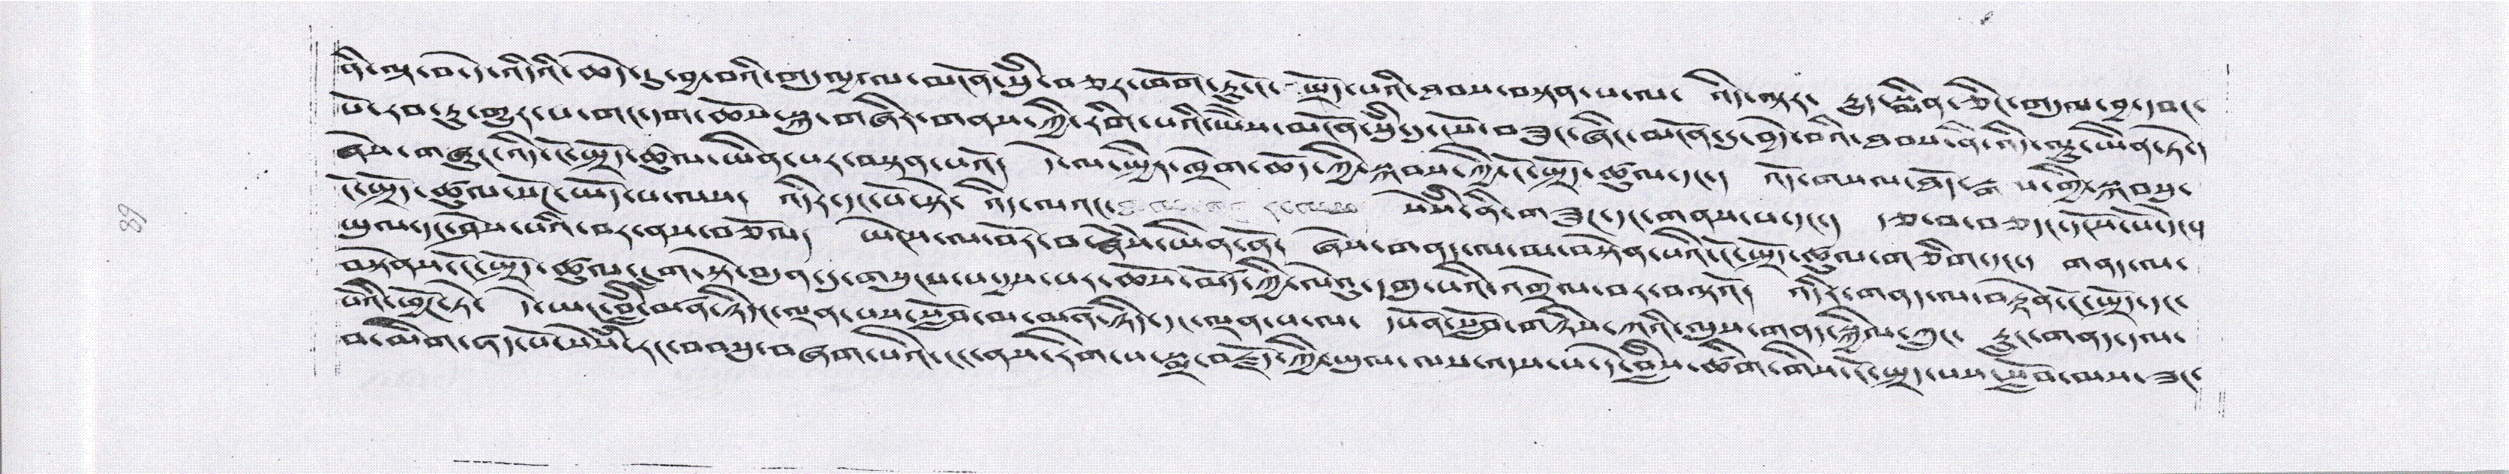ནི་ལྟ་བ་དེ་འདིའི་ཆེད་དུ་བྱ་བའི་གདུལ་བྱ་ལ་མངོན་སུམ་ཅར་ཕོག་ཏུ་ངོ་སྤྲོད་པའི་ཐབས་བསྟན་པ་ལ། འདི་ལྟར། རྒྱུད་སྨིན་ཅིང་གདུལ་བྱ་དབང་
པོ་རབ་ཏུ་གྱུར་པ་གང་དག་ཆོས་སྐུ་གཞིར་གནས་ཀྱི་རིག་པའི་ཡེ་ཤེས་མངོན་སུམ་དུ་ངོས་བཟུང་ཞིང་མངོན་དུ་བྱེད་པའི་ཐབས་ནི་འདི་ལྟ་བུ་ཡིན་ཏེ། 
ཞེས་གཞུང་འདི་ངོ་སྤྲོད་ཚུལ་ཡིན་པར་བསྟན་པའོ། དེ་ལ་སྤྱིར་ཁྲེག་ཆོད་ཀྱི་སྐབས་ཀྱི་ངོ་སྤྲོད་ཚུལ་བསྟན་པ་དང་། འོད་གསལ་ཐོད་རྒལ་གྱི་སྐབས་སུ་
ངོ་སྤྲོད་ཚུལ་ཡོད་པ་ལས། འདིར་དང་པོ་སྟེ། འདི་ལའང་སེམས་ནི་གཟུགས་དང་གནས་པ་དང་། རྩ་བ་བཅད་དང་དངོས་པོ་དང་། 
ཡུལ་དང་ཤེས་པའི་བར་ནས་བཅོལ། ཡེངས་ལ་བོར་བ་རྣམས་ཡིན་ནོ། ཞེས་གནད་ལ་མ་བསྟེན་པའི་ངོ་སྤྲོད་ཚུལ་གཅིག་དང་། གནད་ལ་
བསྟེན་ནས་ངོ་སྤྲོད་ཚུལ་དྲུག་སྟེ་བདུན་དུ་གསུངས་པ་རྒྱས་པར་ཆོས་མཛོད་ཀྱི་ལེའུ་དགུ་པའི་འགྲེལ་བར་བལྟའོ། འདིར་གནད་ལ་བརྟེན་༼པའི༽ངོ་སྤྲོད་དང་
པོའི་ཕྱོགས་ཏེ། དེ་ཡང་བླ་མ་མཚན་ཉིད་དང་ལྡན་པས་སློབ་མ་མཚན་ཉིད་དང་ལྡན་པ་ལ། དཔོན་སློབ་གཉིས་ཀའི་ལུས་གནད་སྐྱིལ་དཀྲུང་། རླུང་གནད་དལ་
བ་མིག་ཧད་པོ་སེམས་རང་བབས་སུ་བཞག་པའི་ངང་ནས་རིག་པ་སྨྲ་བརྗོད་ཀྱི་ཡུལ་ལས་འདས་པ་དེ་བླ་མས་ཚིག་གི་ངོ་སྤྲད་པས་སློབ་མ་ཟང་